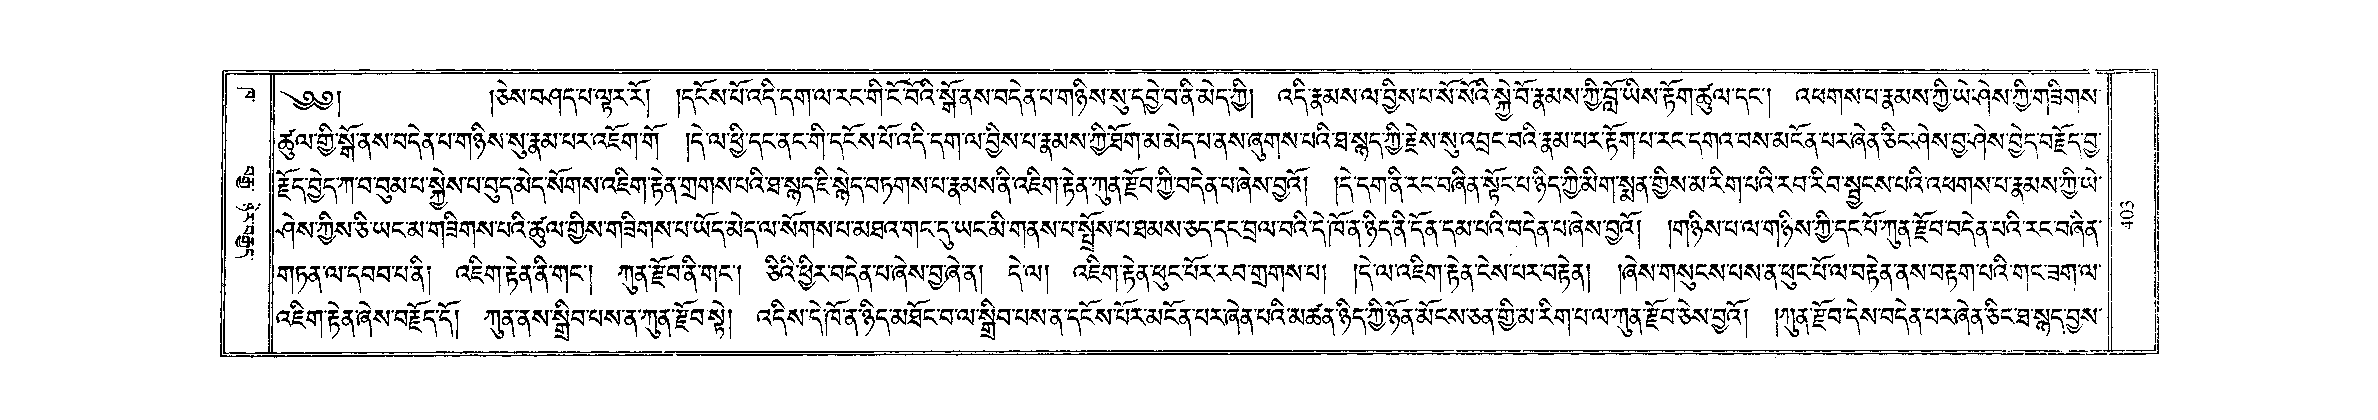༄༅། །ཅེས་བཤད་པ་ལྟར་རོ། །དངོས་པོ་འདི་དག་ལ་རང་གི་ངོ་བོའི་སྒོ་ནས་བདེན་པ་གཉིས་སུ་དབྱེ་བ་ནི་མེད་ཀྱི། འདི་རྣམས་ལ་བྱིས་པ་སོ་སོའི་སྐྱེ་བོ་རྣམས་ཀྱི་བློ་ཡིས་རྟོག་ཚུལ་དང་། འཕགས་པ་རྣམས་ཀྱི་ཡེ་ཤེས་ཀྱི་གཟིགས་
ཚུལ་གྱི་སྒོ་ནས་བདེན་པ་གཉིས་སུ་རྣམ་པར་འཇོག་གོ །དེ་ལ་ཕྱི་དང་ནང་གི་དངོས་པོ་འདི་དག་ལ་བྱིས་པ་རྣམས་ཀྱི་ཐོག་མ་མེད་པ་ནས་ཞུགས་པའི་ཐ་སྙད་ཀྱི་རྗེས་སུ་འབྲང་བའི་རྣམ་པར་རྟོག་པ་རང་དགའ་བས་མངོན་པར་ཞེན་ཅིང་ཤེས་བྱ་ཤེས་བྱེད་བརྗོད་བྱ་
རྗོད་བྱེད་ཀ་བ་བུམ་པ་སྐྱེས་པ་བུད་མེད་སོགས་འཇིག་རྟེན་གྲགས་པའི་ཐ་སྙད་ཇི་སྙེད་བཏགས་པ་རྣམས་ནི་འཇིག་རྟེན་ཀུན་རྫོབ་ཀྱི་བདེན་པ་ཞེས་བྱའོ། །དེ་དག་ནི་རང་བཞིན་སྟོང་པ་ཉིད་ཀྱི་མིག་སྨན་གྱིས་མ་རིག་པའི་རབ་རིབ་སྦྱངས་པའི་འཕགས་པ་རྣམས་ཀྱི་ཡེ་
ཤེས་ཀྱིས་ཅི་ཡང་མ་གཟིགས་པའི་ཚུལ་གྱིས་གཟིགས་པ་ཡོད་མེད་ལ་སོགས་པ་མཐའ་གང་དུ་ཡང་མི་གནས་པ་སྤྲོས་པ་ཐམས་ཅད་དང་བྲལ་བའི་དེ་ཁོ་ན་ཉིད་ནི་དོན་དམ་པའི་བདེན་པ་ཞེས་བྱའོ། །གཉིས་པ་ལ་གཉིས་ཀྱི་དང་པོ་ཀུན་རྫོབ་བདེན་པའི་རང་བཞིན་
གཏན་ལ་དབབ་པ་ནི། འཇིག་རྟེན་ནི་གང་། ཀུན་རྫོབ་ནི་གང་། ཅིའི་ཕྱིར་བདེན་པ་ཞེས་བྱ་ཞེ་ན། དེ་ལ། འཇིག་རྟེན་ཕུང་པོར་རབ་གྲགས་པ། །དེ་ལ་འཇིག་རྟེན་ངེས་པར་བརྟེན། །ཞེས་གསུངས་པས་ན་ཕུང་པོ་ལ་བརྟེན་ནས་བརྟག་པའི་གང་ཟག་ལ་
འཇིག་རྟེན་ཞེས་བརྗོད་དོ། ཀུན་ནས་སྒྲིབ་པས་ན་ཀུན་རྫོབ་སྟེ། འདིས་དེ་ཁོ་ན་ཉིད་མཐོང་བ་ལ་སྒྲིབ་པས་ན་དངོས་པོར་མངོན་པར་ཞེན་པའི་མཚན་ཉིད་ཀྱི་ཉོན་མོངས་ཅན་གྱི་མ་རིག་པ་ལ་ཀུན་རྫོབ་ཅེས་བྱའོ། །ཀུན་རྫོབ་དེས་བདེན་པར་ཞེན་ཅིང་ཐ་སྙད་བྱས་